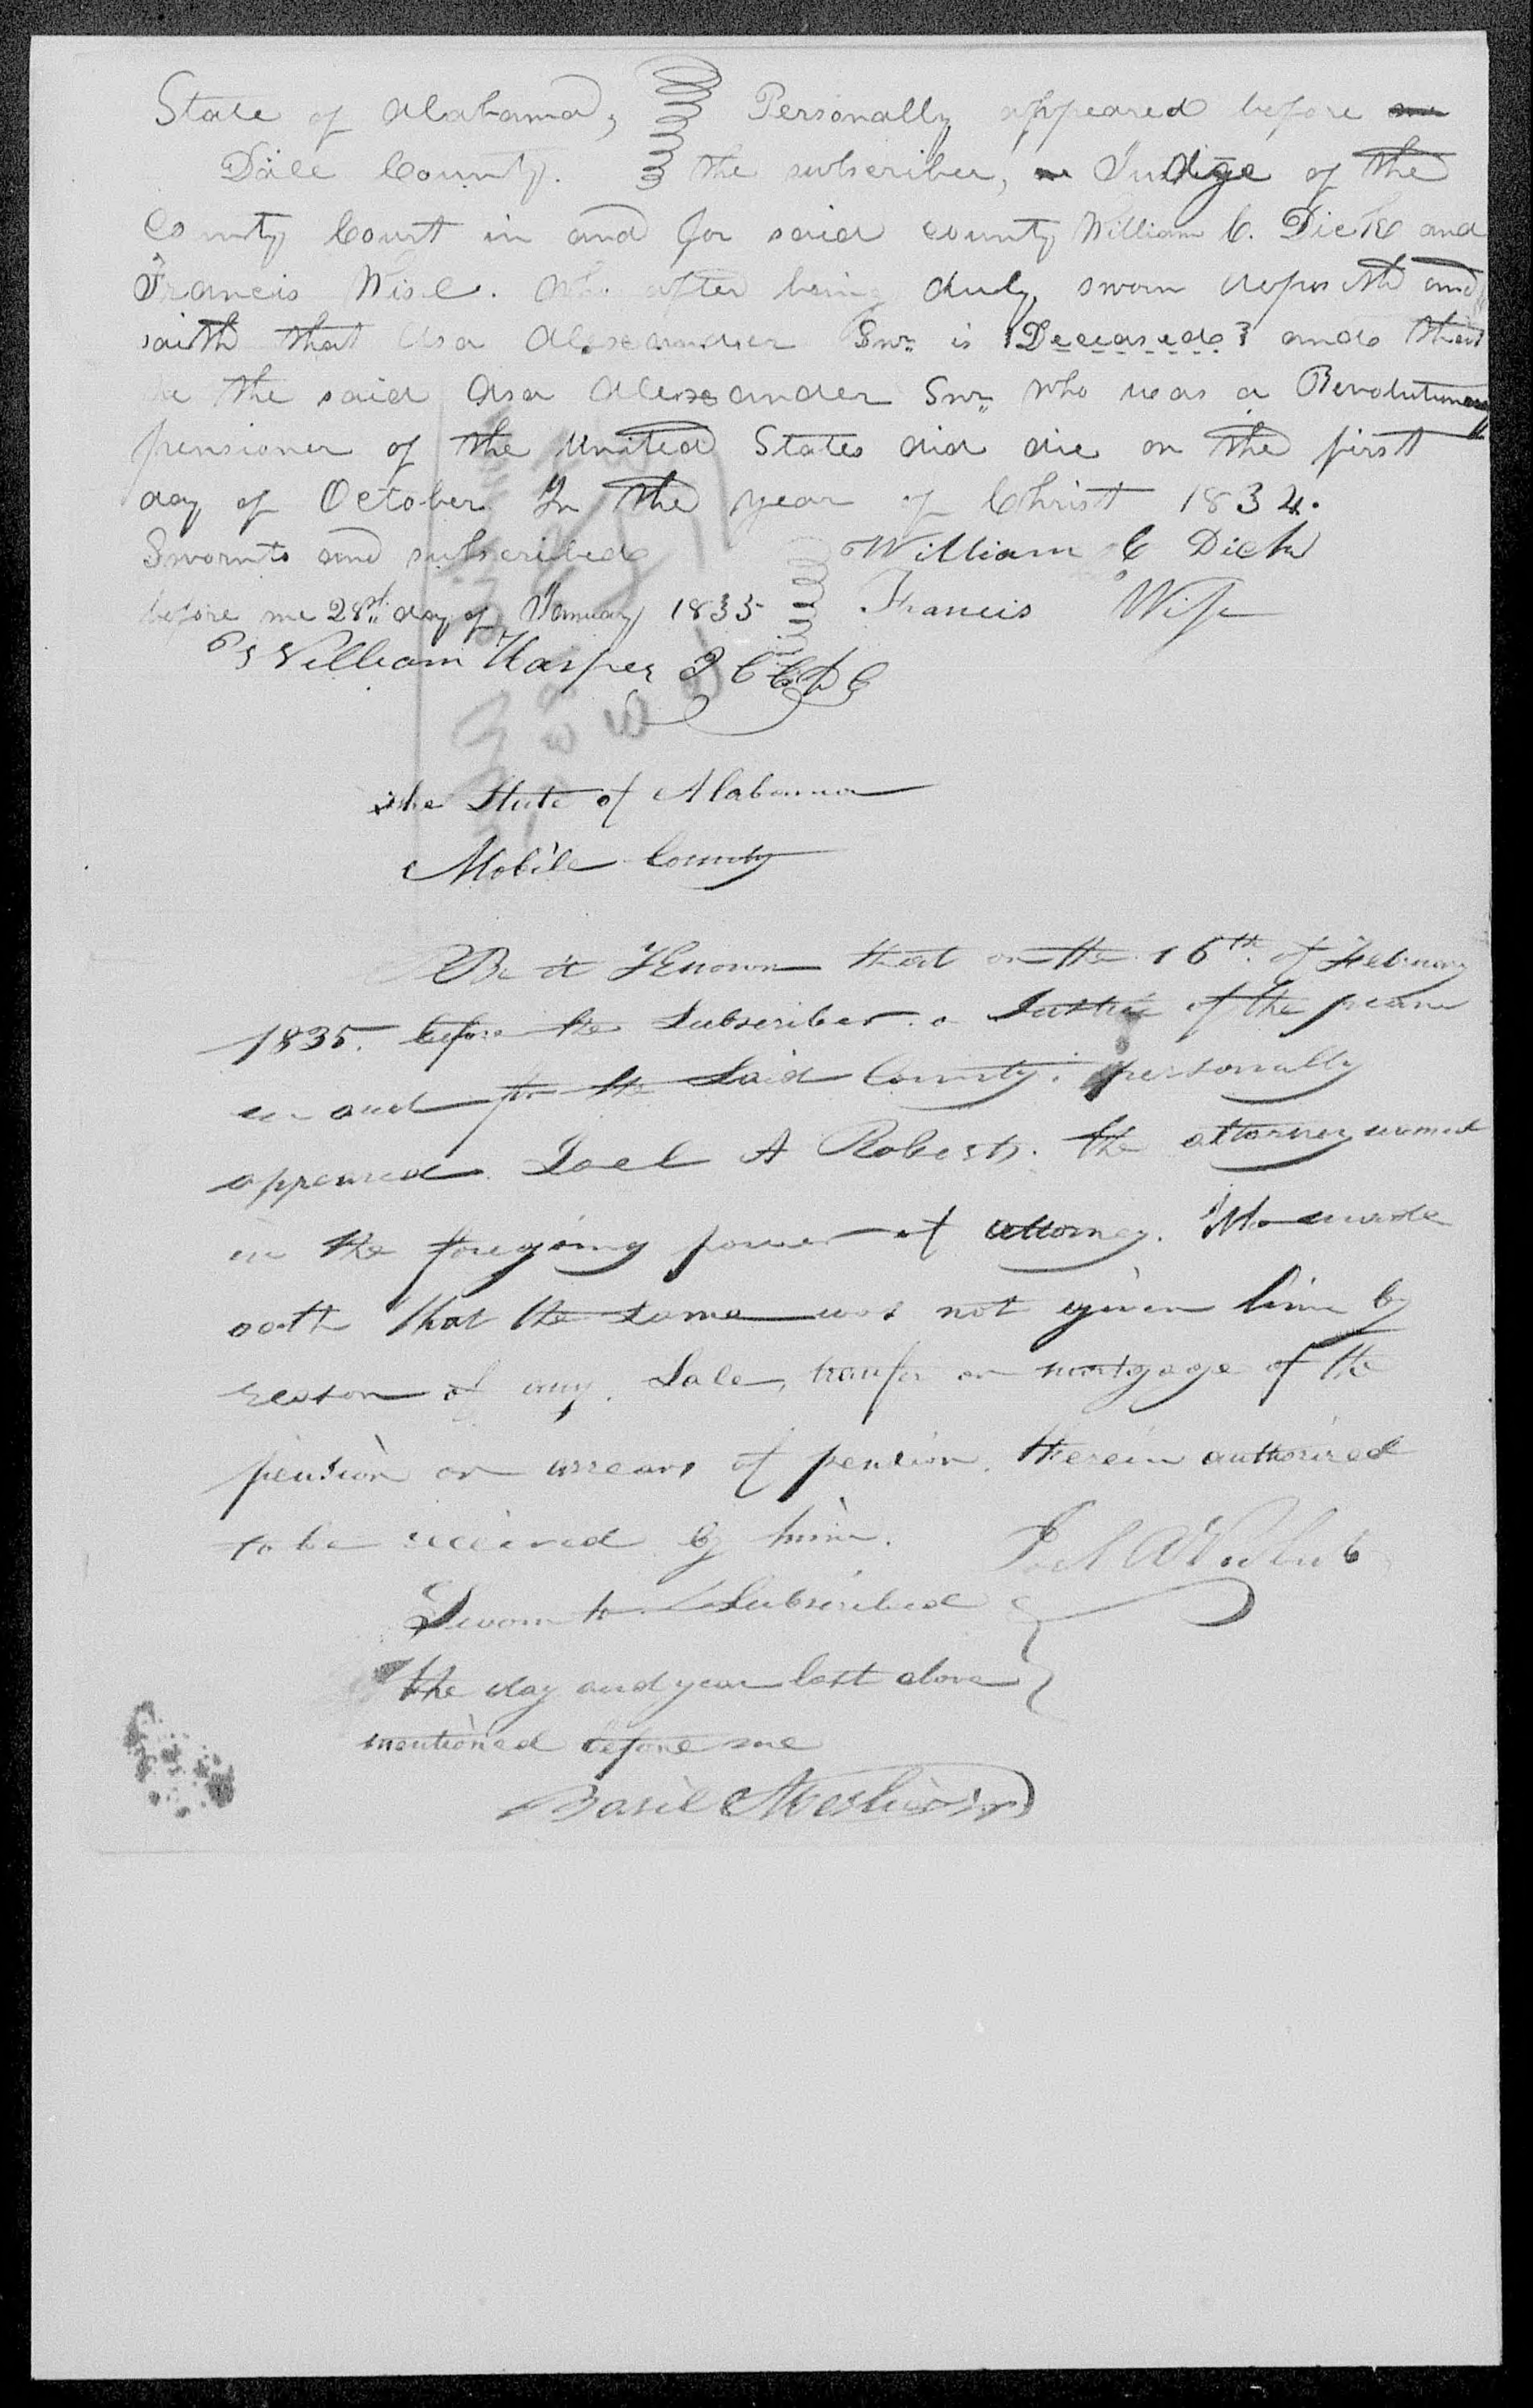State of Alabama,
Dale County.
Personally appeared before the subscriber, a Judge of the County Court in and for said County William C. Dick and Francis Wise. who after being duly sworn deposeth and
saith that Asa Alexander Snr is Deceased, and that the said Asa Alexander Snr who was a Revolutionary pensioner of the United States did die on the first day of October in the year of Christ 1834.
Sworn to and subscribed
[Signature] William C Dick
[Signature] Francis Wise
before me 28th day of January 1835
[Signature] William Harper JCCDC

The State of Alabama
Mobile County
Be it Known that on the 16th of February 1835 before the Subscriber a Justice of the peace in and for the said County personally appeared Joel A Roberts the attorney named in the foregoing power of attorney Sworn under oath that the same was not given him by reason of any Sale, transfer of Mortgage of the pension or arrears of pension therein authorized to be received by him. 
[Signature] Joel A. Roberts

Sworn to and Subscribed the day and year last above
mentioned before me 
[Signature] Basil Meshing JP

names: Joel A Roberts, Basil Meshaw, Joel A Roberts, William C Dick, William C Dick, William Harper, Asa Alexander, Francis, Francis Wise, Asa Alexander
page: 21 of 35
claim: survivor's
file: S. 32092, Asa Alexander, Ga.